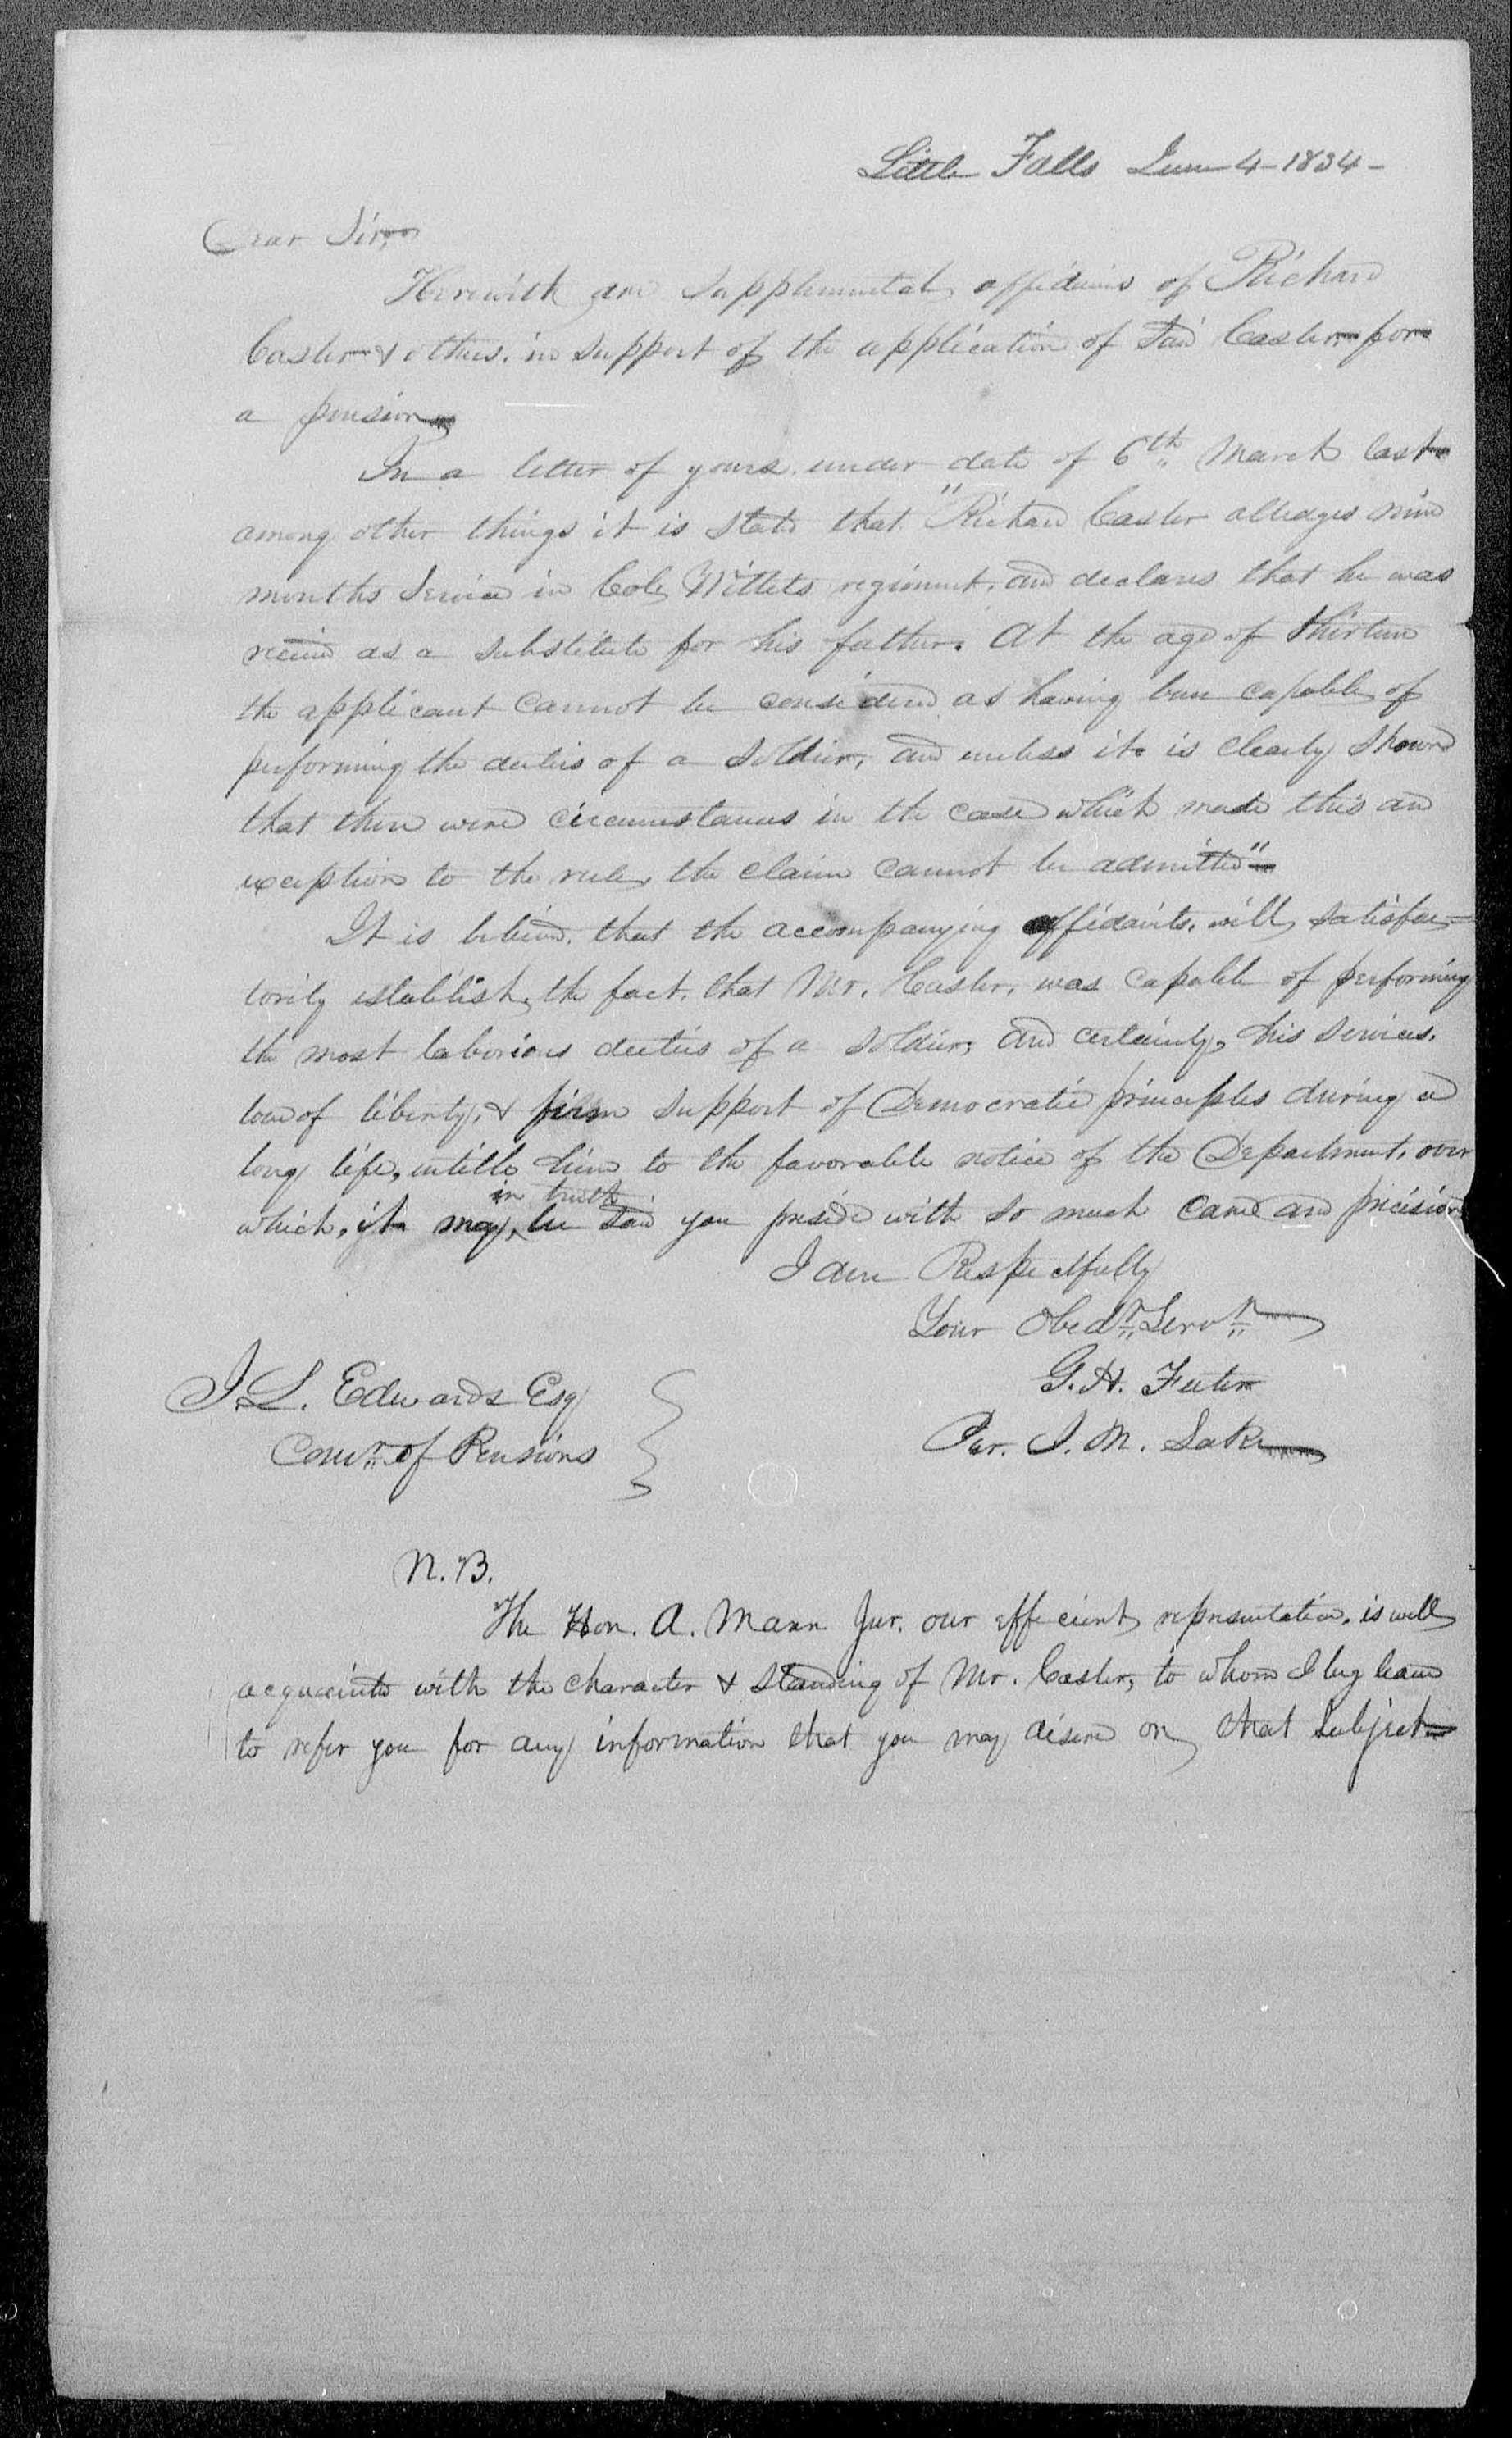Little Falls June 4 1834 – 
Dear Sir 
Herewith are supplemental affidavits of Richard Casler & others in support of the application of said Casler for a pension 
In a letter of yours under date of 6th March last among other things it is states that Richard Casler alledges nine months service in Col Willets regiment, and declares that he was received as a substitute for his father. At the age of thirteen the applicant cannot be considered as having been capable of performing the duties of a soldier, and unless it is clearly shown that there were circumstances in the case which made this an exception to the rule, the claim cannot be admitted. 
It is believed, that the accompanying affidavits, will satisfactorily establish the fact, that Mr. Casler, was capable of performing the most laborious duties of a soldiers and certainly his services love of liberty, & firm support of Democratic principles during a long life, entitle him to the favorable notice of the Department, over which it may in truth  be said you preside with so much care and precision 
I am Respectfully 
Your Obedt. Servt. 
[signed] G. H. Feeter 
Par. J. M. Sake 

J. L. Edwards Esq 
Comr of Pensions 

N. B. The Hon. A. Mann Jur. our efficient representation, is well acquainted with the character & standing of Mr. Casler, to whom I bey leave to refer you for any information that you may desire on that subject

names: Richard Casler, G H Feeter, Casler, Casler, J L Edwards, A Mann, Casler, Richard Casler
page: 47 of 66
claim: widow's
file: W. 6637, Richard Caslar, New York